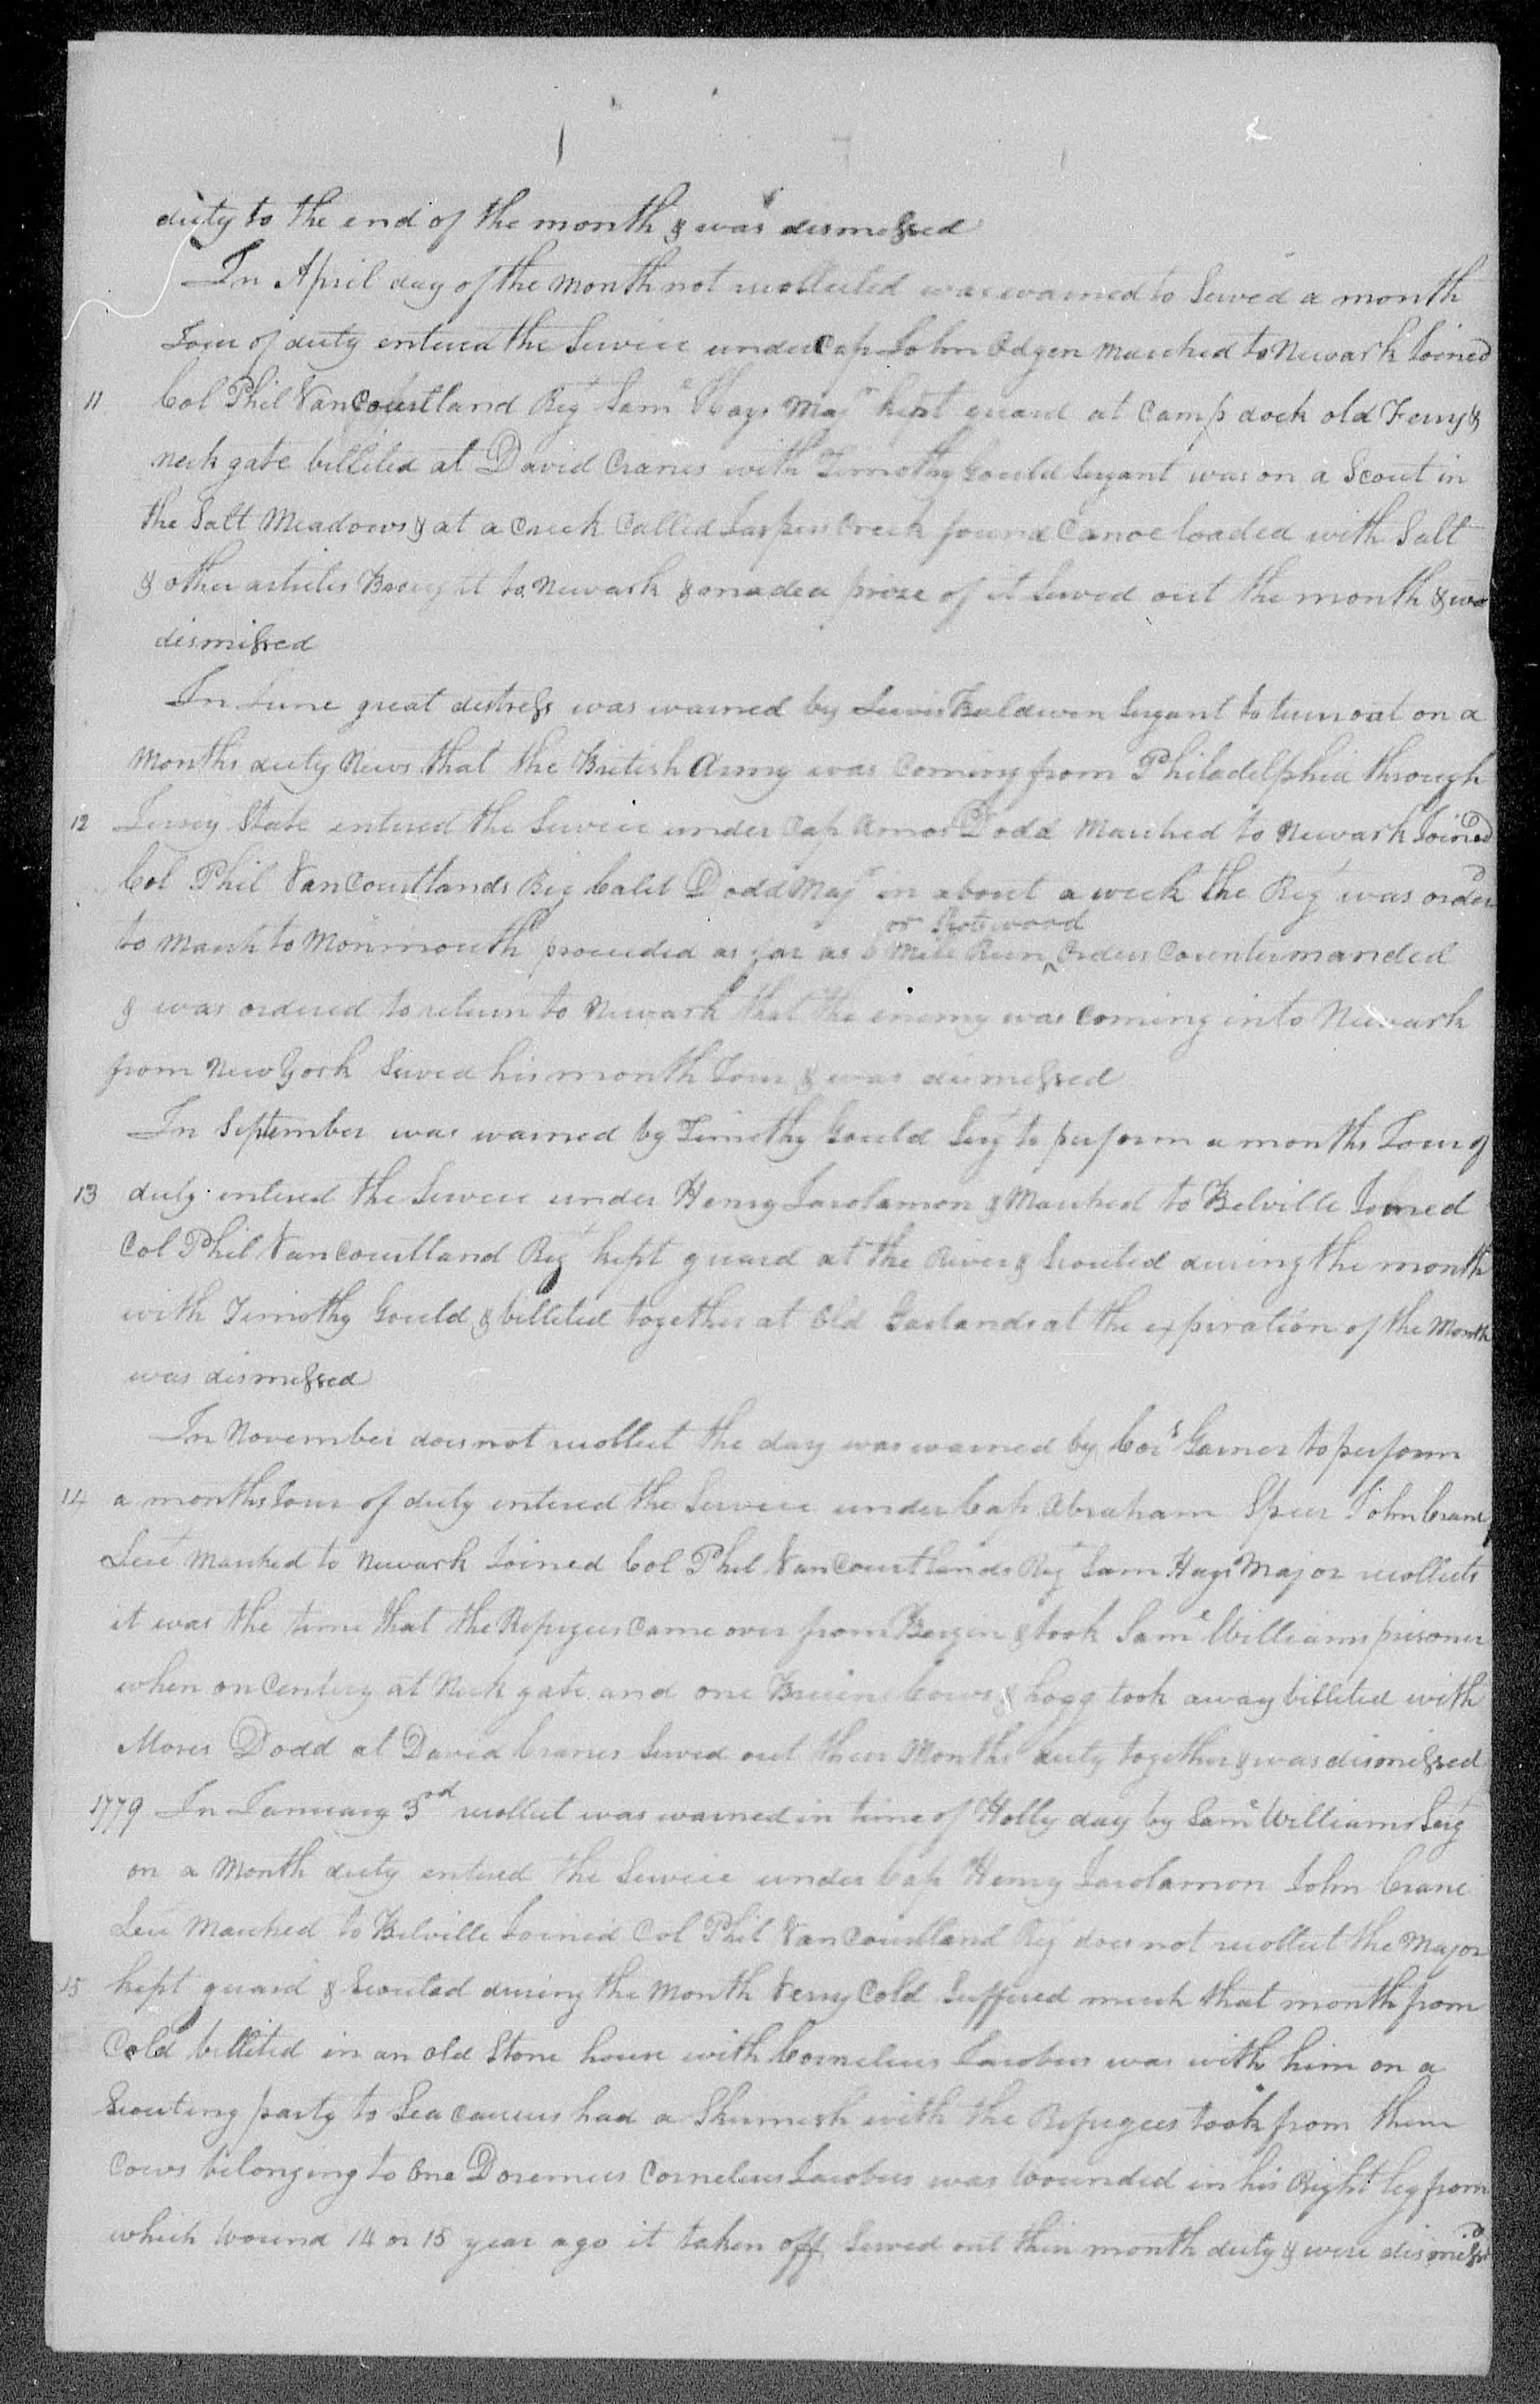Duty to the end of the months I was dismissed.


                                    In Apri day of the month not recollected was ? to served a month

                                    Tour of duty entered the service under Cap John Ogden marched to Newark joined

11                                Col. Phil Van Courtland Reg  Sam Hays Maj kept guard at Camp dock Old Ferry

                                    neck gate billited at David Grances with TImothy Gould Sergant was on a Scout in
                                 
                                     the Sold Meadows at a creek called at Jasper Creek found canoe loaded with Salt

                                     & other articles brought to Newak & maded prose of it served out the month & was 

                                    dismissed.


                                    In June great distress was warned by Lewis Baldwin Sergant to turn out on a 

                                    month duty new that the British Army was coming from Philadelphia through

   12                            Jersey state entered the service made  under Capt Amos Dodd marched to Newark joined

                                    Col Phil Van Courtland by Caleb Dodd Maj in about a week the Reg was order                          

                                     to march Monmouth provided in far as 5 mile run or ? order countermanded

                                     I was ordered to return to Newark that thhe enemy was coming into Newark

                                     from New York served his month tour I was dismissed


                                     In Setpember was warned by Timothy Gould Seg to perform a month Long

13                                duty entered the service under Henry Jarolamon & marched to Belvill joined

                                     Col Phil Van Courtland Reg kept quard at the River & Scouted during the month

                                      with TImothy Gould billeted gogether of Old Garland at the expiration of the month

                                      was dismissed


                                       In November does not recollect the day warned by Col Garnder to perform

14                                  a months Tour of Duty entered the Sevrvice under Cap Abraham Speer  John Crane

                                       Lieut marched to Newark joined Col Phil Van Courtland Regt Sam Hayes Major recollects

                                       it was the time that the Refugees came over from Bergens took Saml Williams prisoner

                                        when on centry at Neck gate and one Bruin cows & hogg took away billited with

                                        Moses Dodd al David Cranes served outn three onths duty together was dismissed


1779                              In January 3rd recollect was warned in time of Holly day by Saml Williams Serg

                                         on a month duty entered the service under Capt Henry Jarolomon  John Crane

                                         Liu marched to Belville joined Col Phil Can Courtland Reg does not recollect the Major

15                                    kept guard & scouted during the month very cold suffered much that month from

                                         cold billeted in and old stone house with Cornelius ? was with him on a

                                         scouting party to Seacanius had a skirmish with the Refugees took from them

                                         cows belonging to one Doremus Cornelius ? was  wounded in his right leg from

                                         which wound 24 or 25 years aog it taken off served out the month duty were dismissed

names: Saml Williams, John Crane, Amos Dodd, John Crane, Timothy Gould, Moses Dodd, Saml Williams, Caleb Dodd, David Cranes, Saml Hays, Timothy Gould, Timothy Gould, Cornelius Jacobus, Abraham Speer, Sam Hays, Corl Garner, Henry Jarolamon, John Edgen, Henry Jarolamon, David Cranes, Lewis Baldwin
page: 4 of 32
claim: rejected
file: R. 2441, Aaron Crane, New Jersey